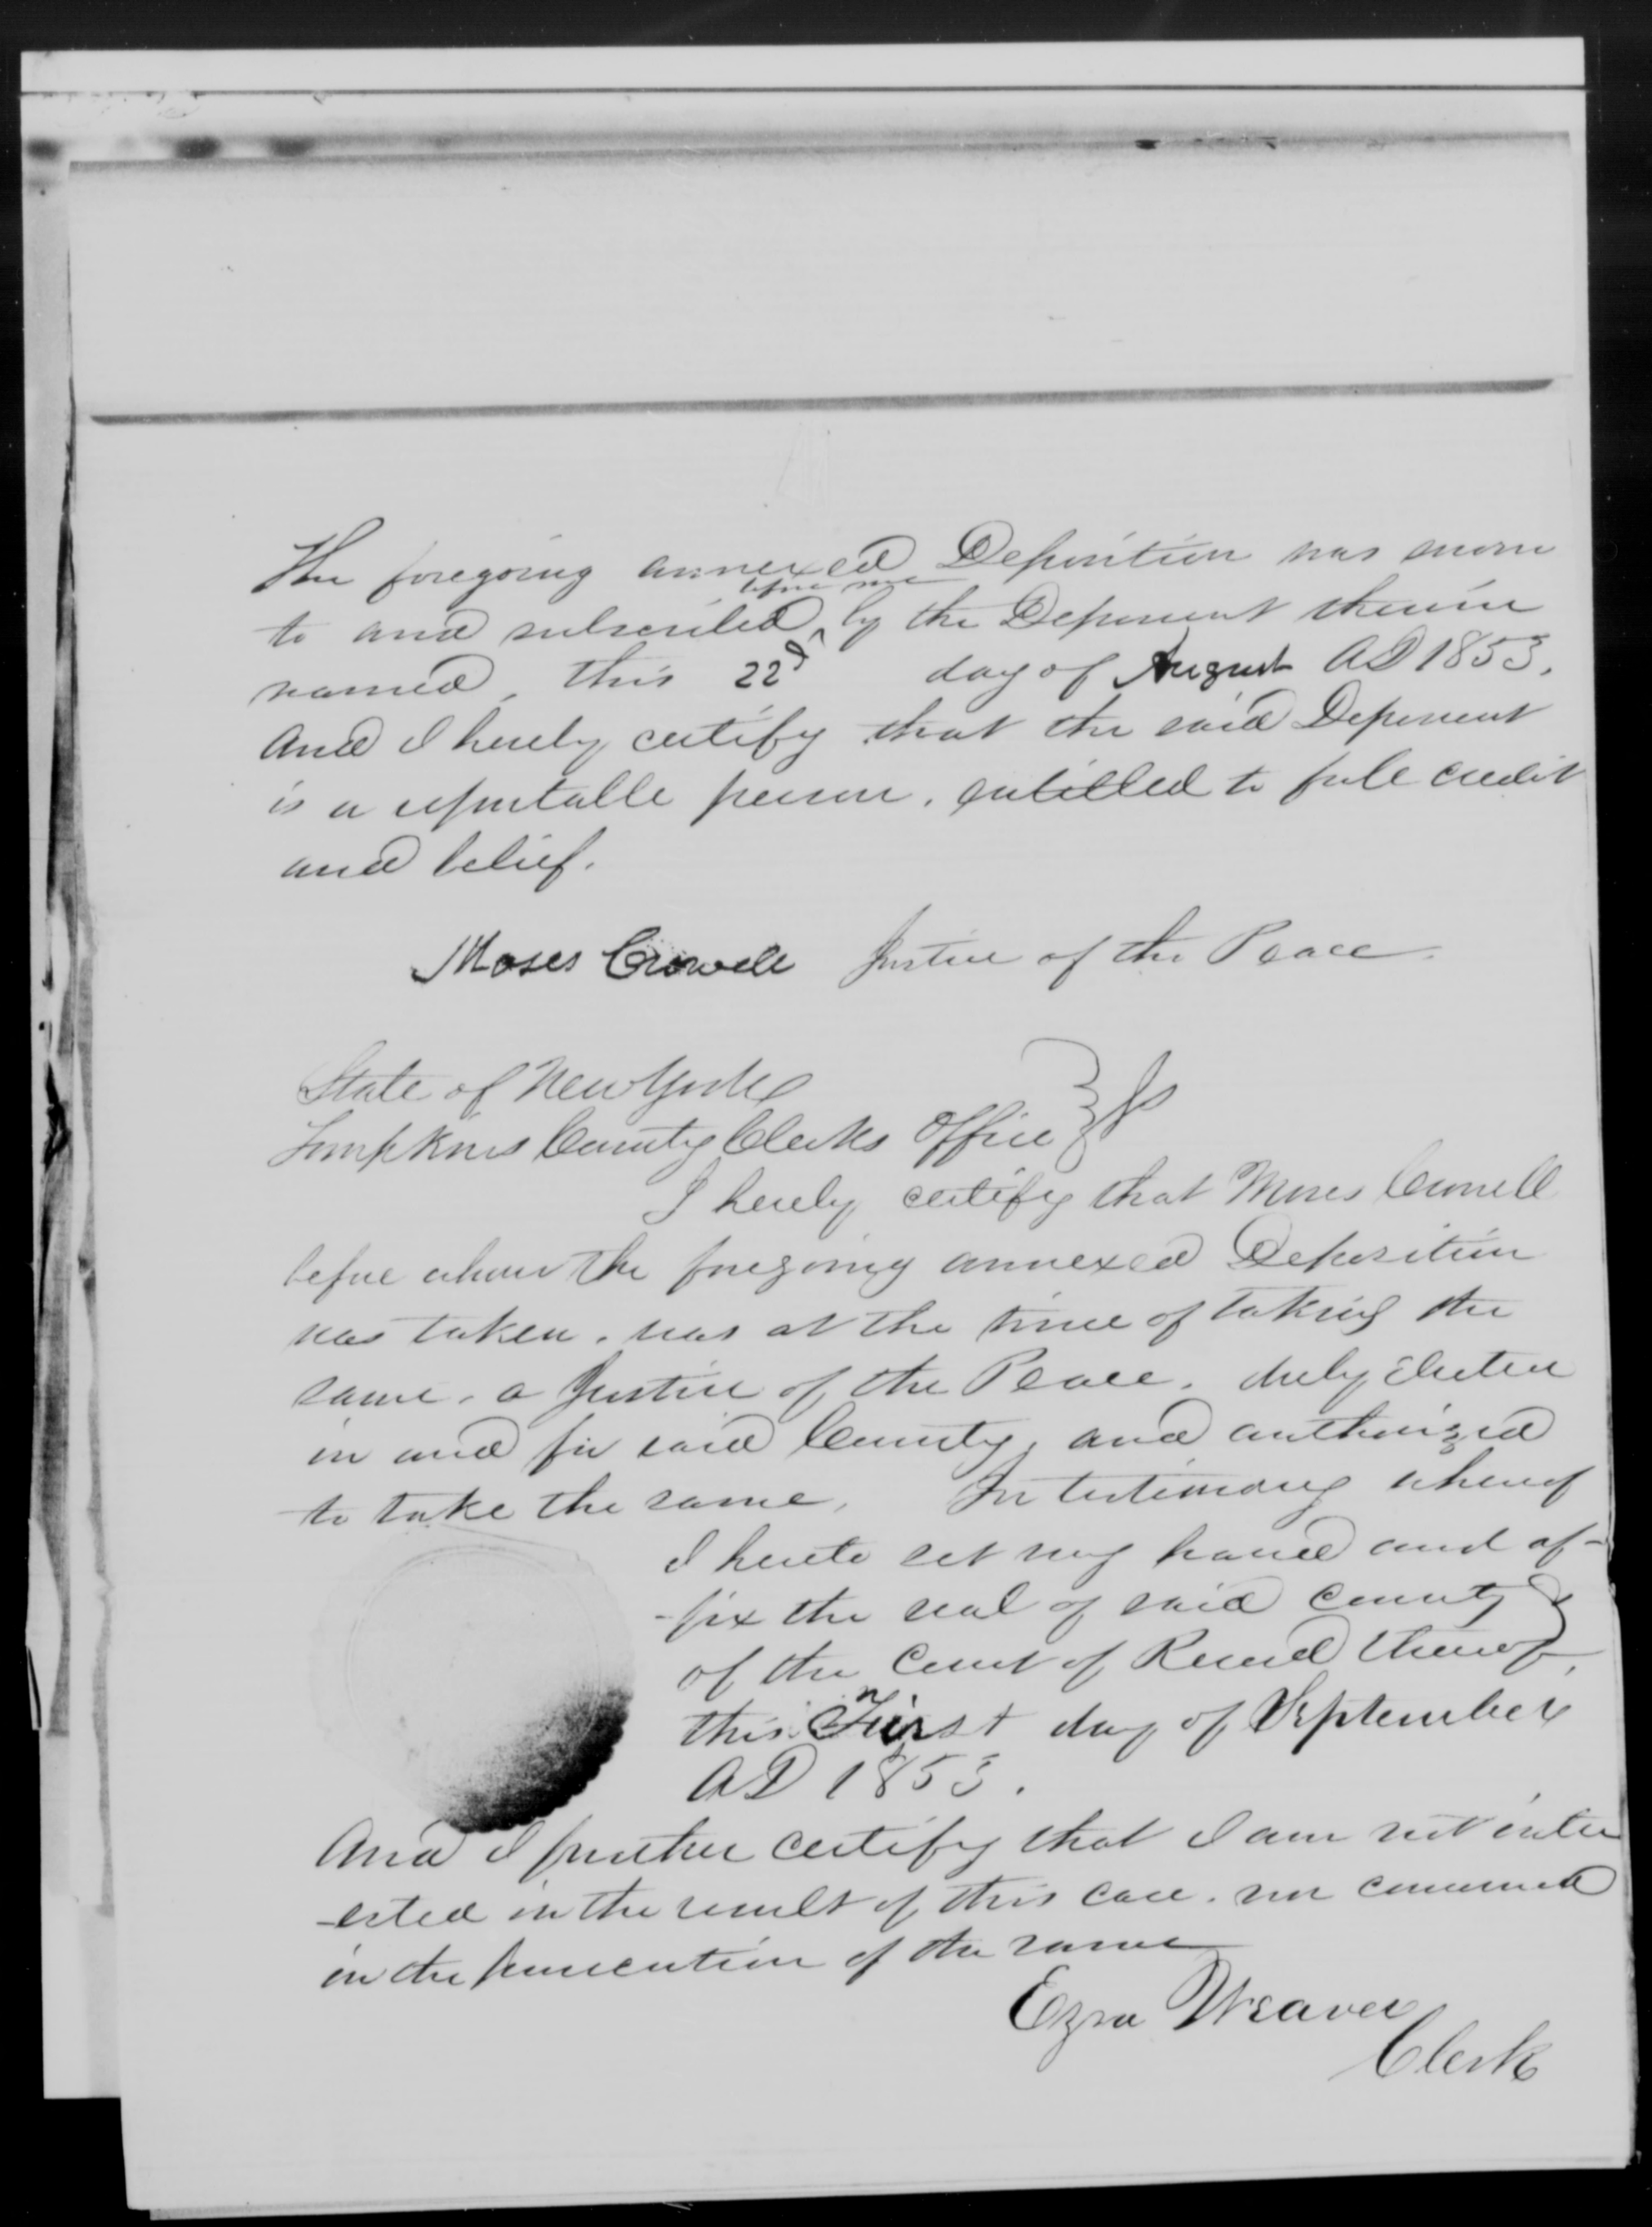the foregoing annexed Deposition was sworn to and subscribed before me by the Deponent therein named, this 22d day of August AD 1853 and I hereby certify that the said Deponent is a reputable person entitled to full credit and belief, 
[signed] Moses Crowell Justice of the Peace 

State of New York 
Tompkins County Clerks office Ss   I hereby certify that Moses Crowell before whom the foregoing annexed Deposition was taken, was at the time of taking the same , a Justice of the Peace, duly Elected in and for said County, and authorized to take the same. In testimony whereof I hereto set my hand and affix the seal of said County of the Court of Record thereof this First day of September AD 1853. 
And I further certify that I am not interested in the result of this case, nor concerned in the prosecution of the same 
[signed] Ezra Weaver  Clerk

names: Ezra Weaver, Moses Crowell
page: 19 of 77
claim: widow's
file: W. 19658, John Woodin, New York